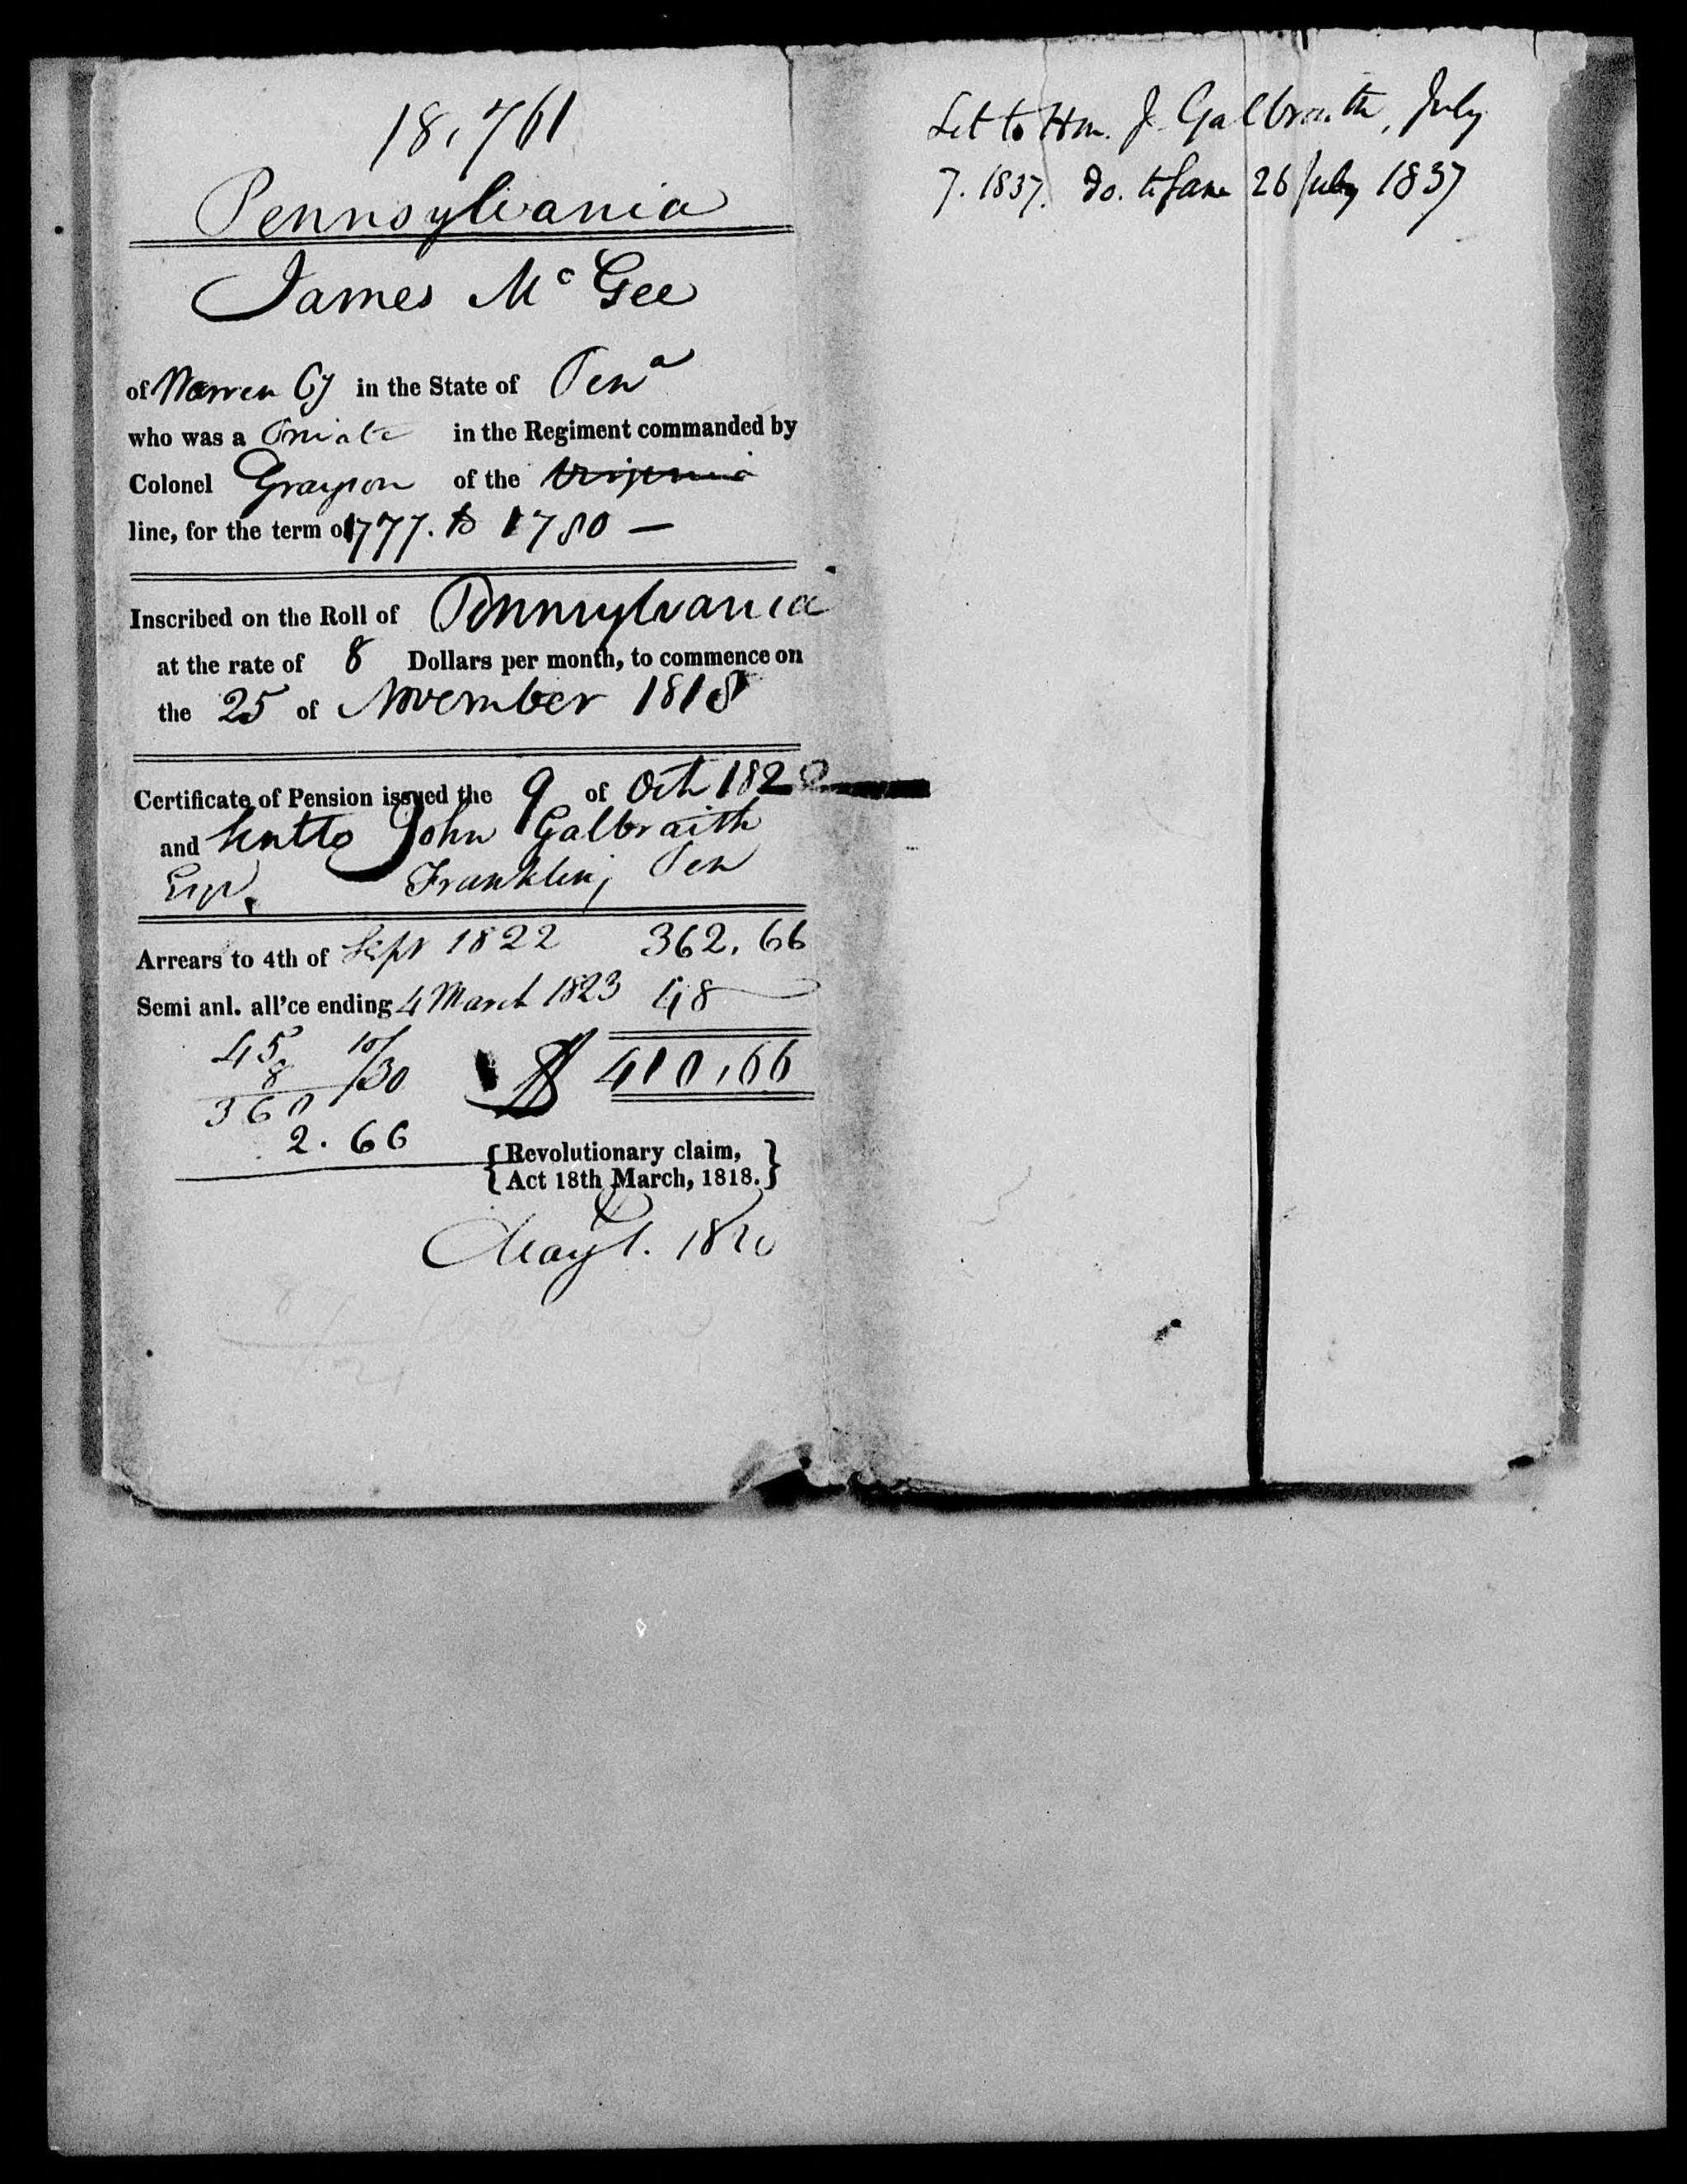18,761 
Pennsylvania 
James McGee 
of Warren in the State of Pena who was a private in the Regiment commanded by Colonel Grayson of the Virginia line, for the term of 1777 to 1780- 

Inscribed on the Roll of Pennsylvania at the rate of 8 Dollars per month, to commence on the 25 of November 1818 

Certificate of Pension issued the 9 of Oct 1822 and sent to John Galbraith Esq Franklin Ten

Arrears to 4th of Sept 1822               362, 66 
Semi anl. all'ce ending 4 March 1823  48
                                                           $410.66 
45 1 of 30
8
360
2.66 
{Revolutionary claim, }
{Act 18th March, 1818}
May 1. 1820 

Let to Hon. J. Galbraith, July 7. 1837. do. to fam 26 July 1837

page: 2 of 77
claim: widow's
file: W 2954, for James Mc Gee, Delaware